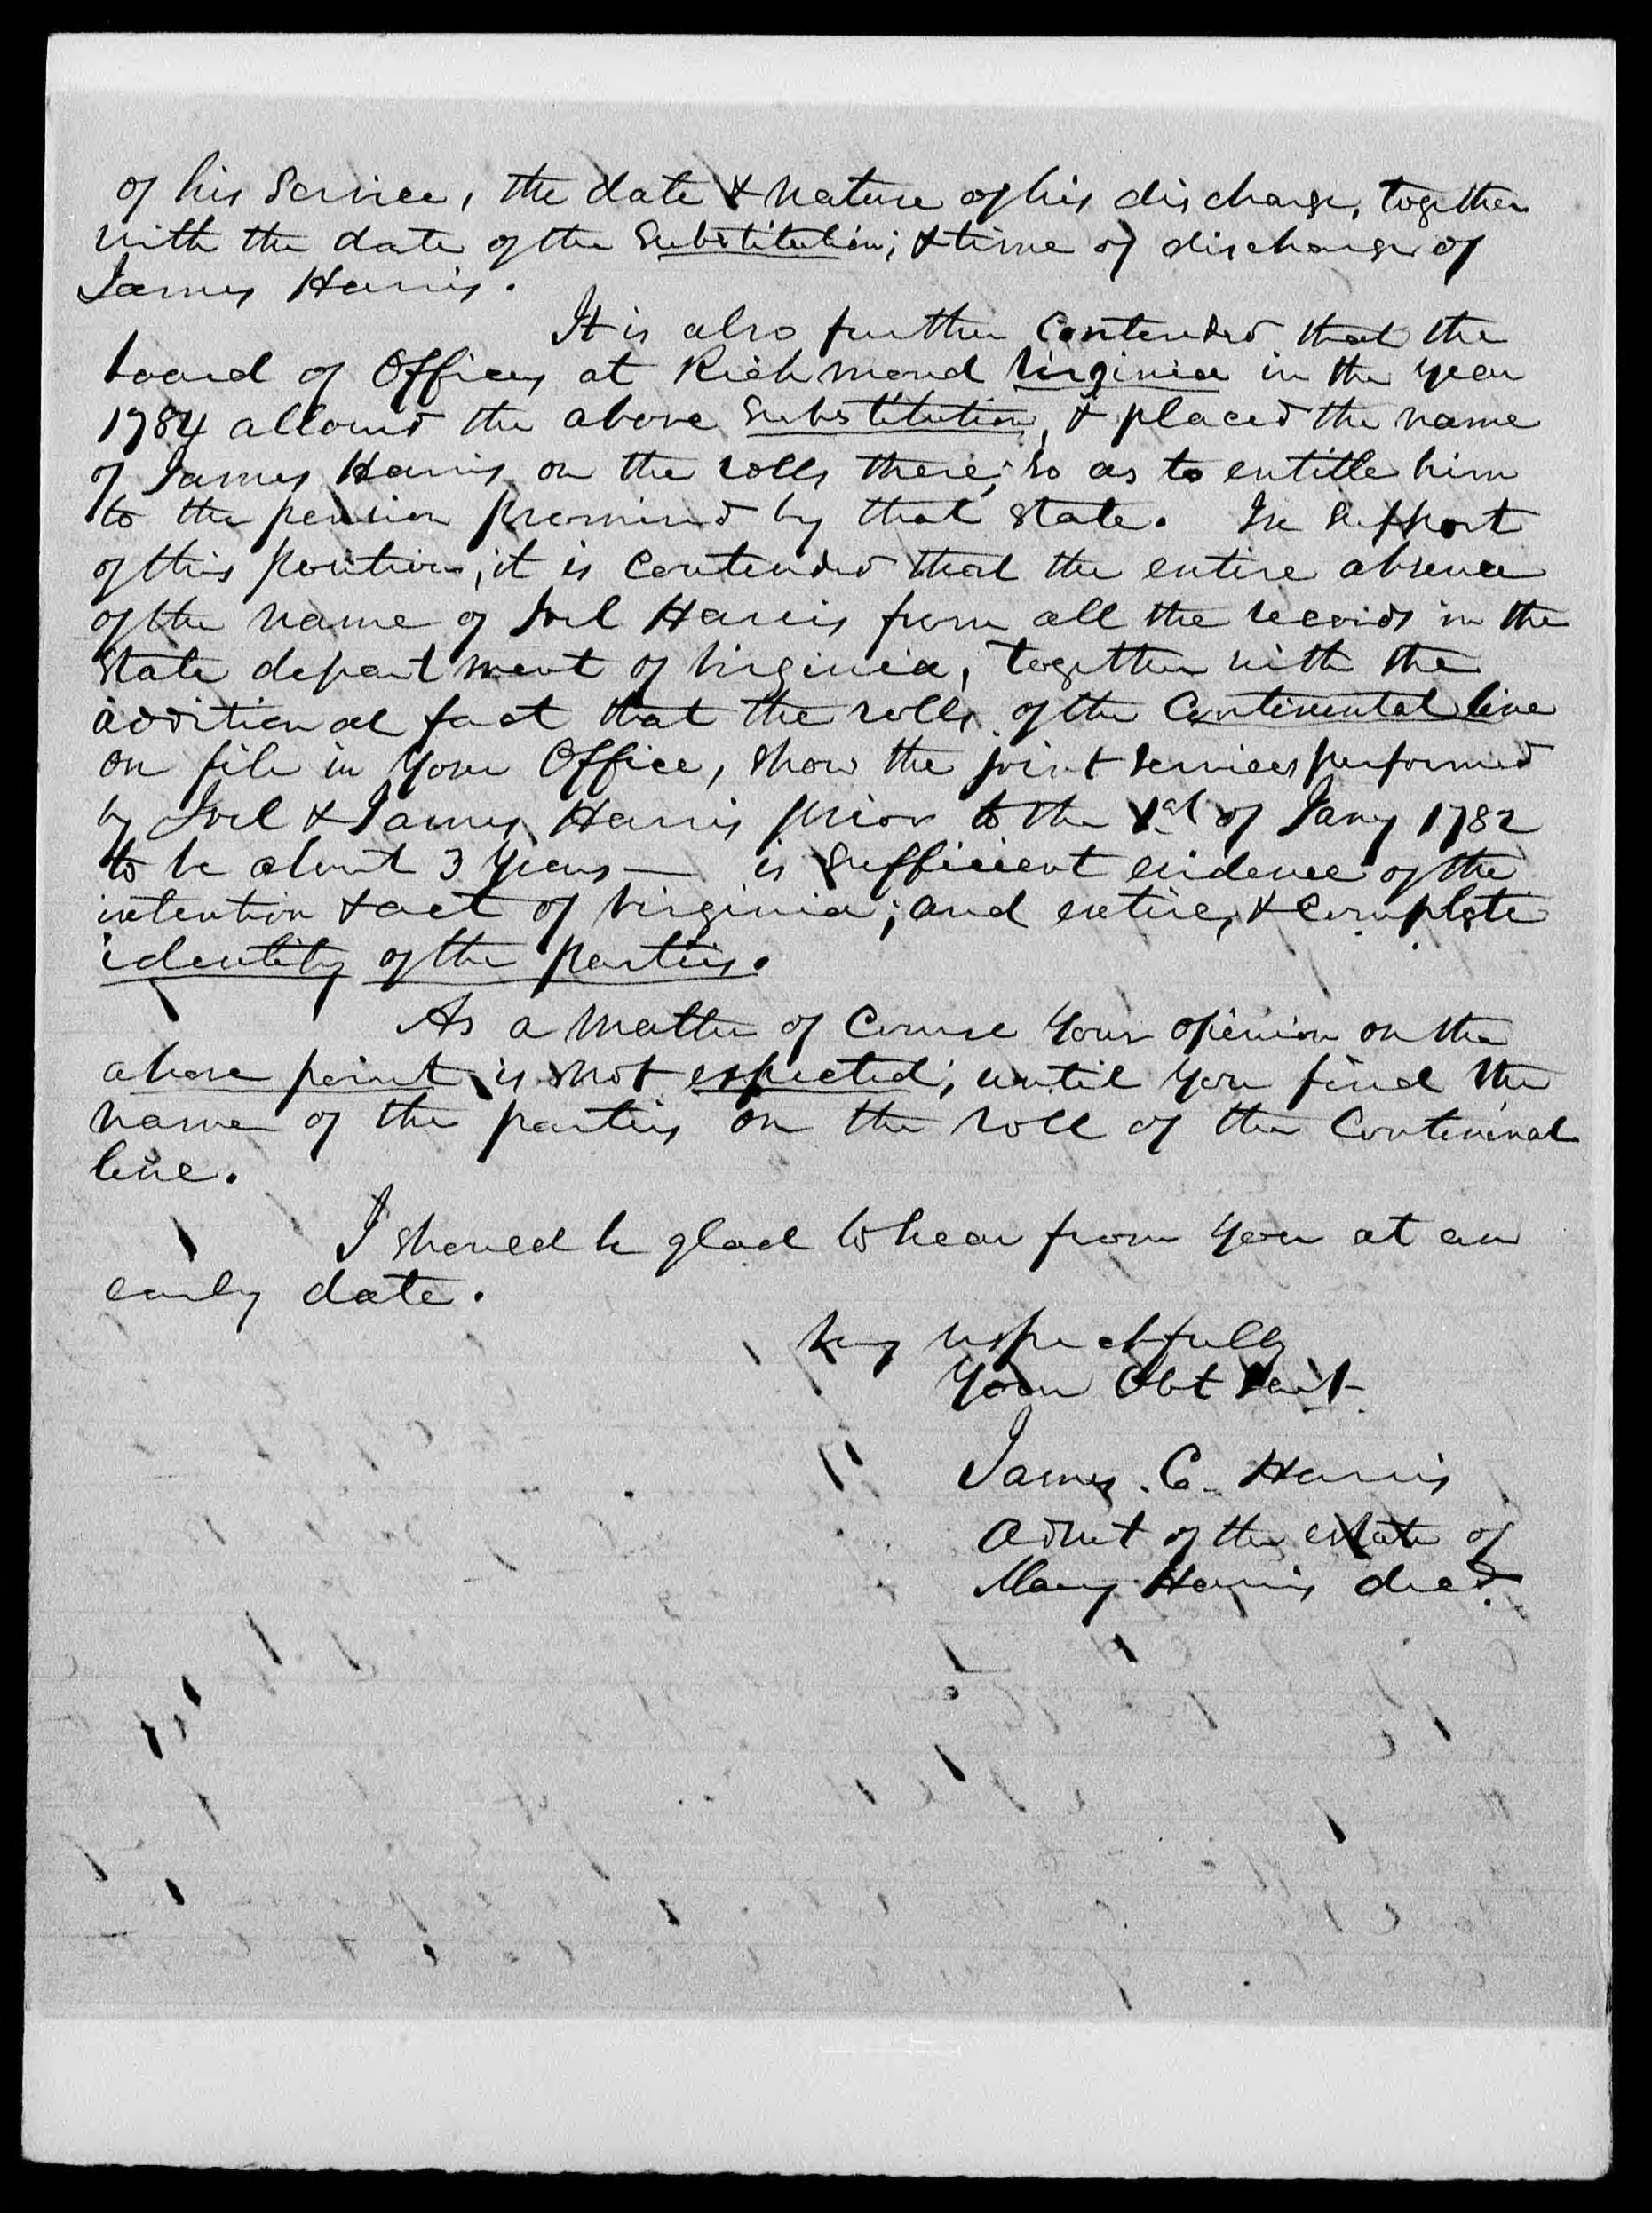of his service, the date & nature of his discharge, together with the date of the substitution, & time of discharge of James Harris.
It is also further contended that the board of Officers at Richmond Virginia in the year 1784 allowed the above substitution, & placed the name of James Harris on the rolls there, so as to entitle him to the pension promised by that state.  In support of this position, it is contended that the entire absence of the name of Joel Harris from all the records in the State department of Virginia, together with the additional fact that the rolls of the Continental line on file in your Office, show the joint services performed by Joel & James Harris prior to the 1st of Jany 1782 to be about 3 years--is sufficient evidence of the intention & act of Virginia, and entire & complete identity of the parties.
As a matter of course your opinion on the above point is not expected until you find the name of the parties on the roll of the Continenal [sic] line.
I should be glad to hear from you at an early date.
Very respectfully
Your Obt Servt
James C. Harris
Admit of the estate of
Mary Harris, decd.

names: James Harris, James C Harris, Mary Harris, Joel Harris, James Harris, James Harris, Joel Harris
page: 114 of 160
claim: rejected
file: R. 4666, James Harris, Va.